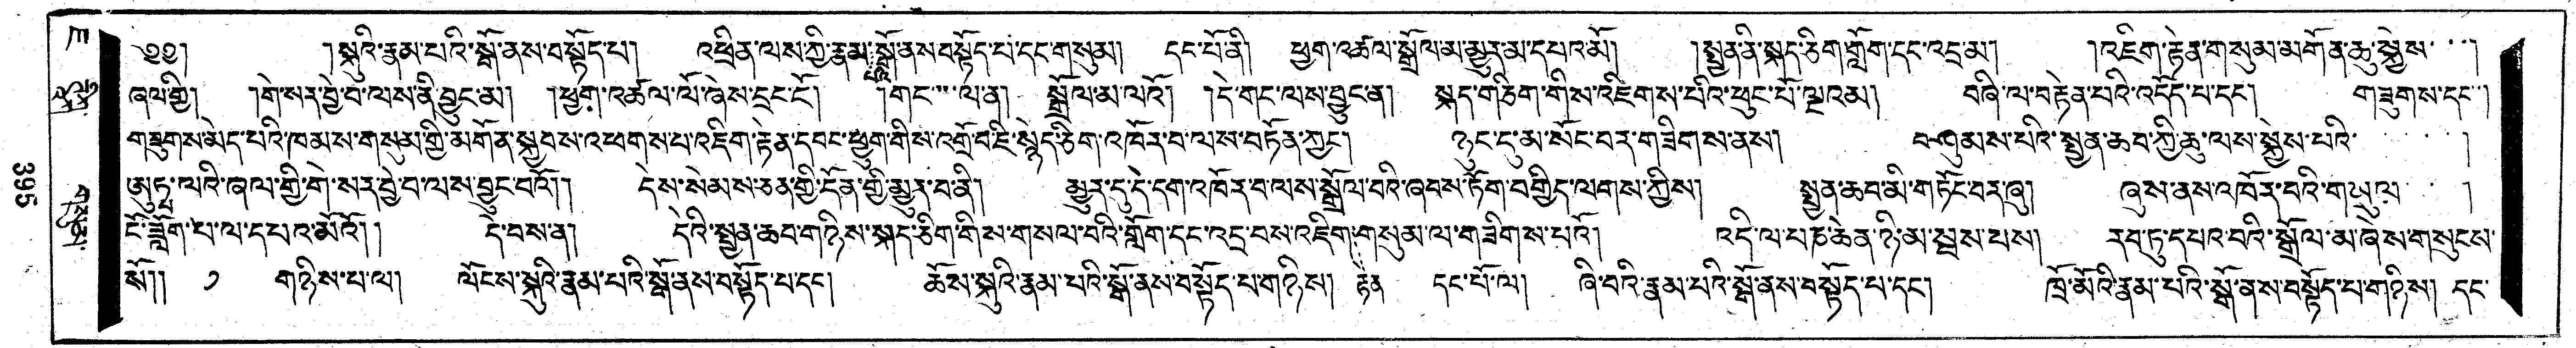༄༅། །སྐུའི་རྣམ་པའི་སྒོ་ནས་བསྟོད་པ། འཕྲིན་ལས་ཀྱི་རྣམ་པའི་སྒོ་ནས་བསྟོད་པ་དང་གསུམ། དང་པོ་ནི། ཕྱག་འཚལ་སྒྲོལ་མ་མྱུར་མ་དཔའ་མོ། །སྤྱན་ནི་སྐད་ཅིག་གློག་དང་འདྲ་མ། །འཇིག་རྟེན་གསུམ་མགོན་ཆུ་སྐྱེས།
ཞལ་གྱི། །གེ་སར་བྱེ་བ་ལས་ནི་བྱུང་མ། །ཕྱག་འཚལ་ལོ་ཞེས་དྲང་ངོ། །གང་ལ་ན། སྒྲོལ་མ་ལའོ། །དེ་གང་ལས་བྱུང་ན། སྐད་གཅིག་གིས་འཇིགས་པའི་ཕུང་པོ་ལྔའམ། བཞི་ལ་བརྟེན་པའི་འདོད་པ་དང་། གཟུགས་དང་།
གཟུགས་མེད་པའི་ཁམས་གསུམ་གྱི་མགོན་སྐྱབས་འཕགས་པ་འཇིག་རྟེན་དབང་ཕྱུག་གིས་འགྲོ་བ་ཇི་སྙེད་ཅིག་འཁོར་བ་ལས་བཏོན་ཀྱང་། ཉུང་དུ་མ་སོང་བར་གཟིགས་ནས། བཤུམས་པའི་སྤྱན་ཆབ་ཀྱི་ཆུ་ལས་སྐྱེས་པའི།
ཨུཏྤ་ལའི་ཞལ་གྱི་གེ་སར་བྱེ་བ་ལས་བྱུང་བའོ།། དེས་སེམས་ཅན་གྱི་དོན་གྱི་མྱུར་བ་ནི། མྱུར་དུ་དེ་དག་འཁོར་བ་ལས་སྒྲོལ་བའི་ཞབས་ཏོག་བགྱིད་ལགས་ཀྱིས། སྤྱན་ཆབ་མི་གཏོང་བར་ཞུ། ཞུས་ནས་འཁོར་བའི་གཡུལ་།
ངོ་ཟློག་པ་ལ་དཔའ་མོའོ།། དེ་བས་ན། དེའི་སྤྱན་ཆབ་གཉིས་སྐད་ཅིག་གིས་གསལ་བའི་གློག་དང་འདྲ་བས་འཇིག་རྟེན་གསུམ་ལ་གཟིགས་པའོ། འདི་ལ་པཎ་ཆེན་ཉི་མ་སྦས་པས། རབ་ཏུ་དཔའ་བའི་སྒྲོལ་མ་ཞེས་གསུངས་
སོ།། ༡་གཉིས་པ་ལ། ལོངས་སྐུའི་རྣམ་པའི་སྒོ་ནས་བསྟོད་པ་དང་། ཆོས་སྐུའི་རྣམ་པའི་སྒོ་ནས་བསྟོད་པ་གཉིས། དང་པོ་ལ། ཞི་བའི་རྣམ་པའི་སྒོ་ནས་བསྟོད་པ་དང་། ཁྲོ་མོའི་རྣམ་པའི་སྒོ་ནས་བསྟོད་པ་གཉིས། དང་